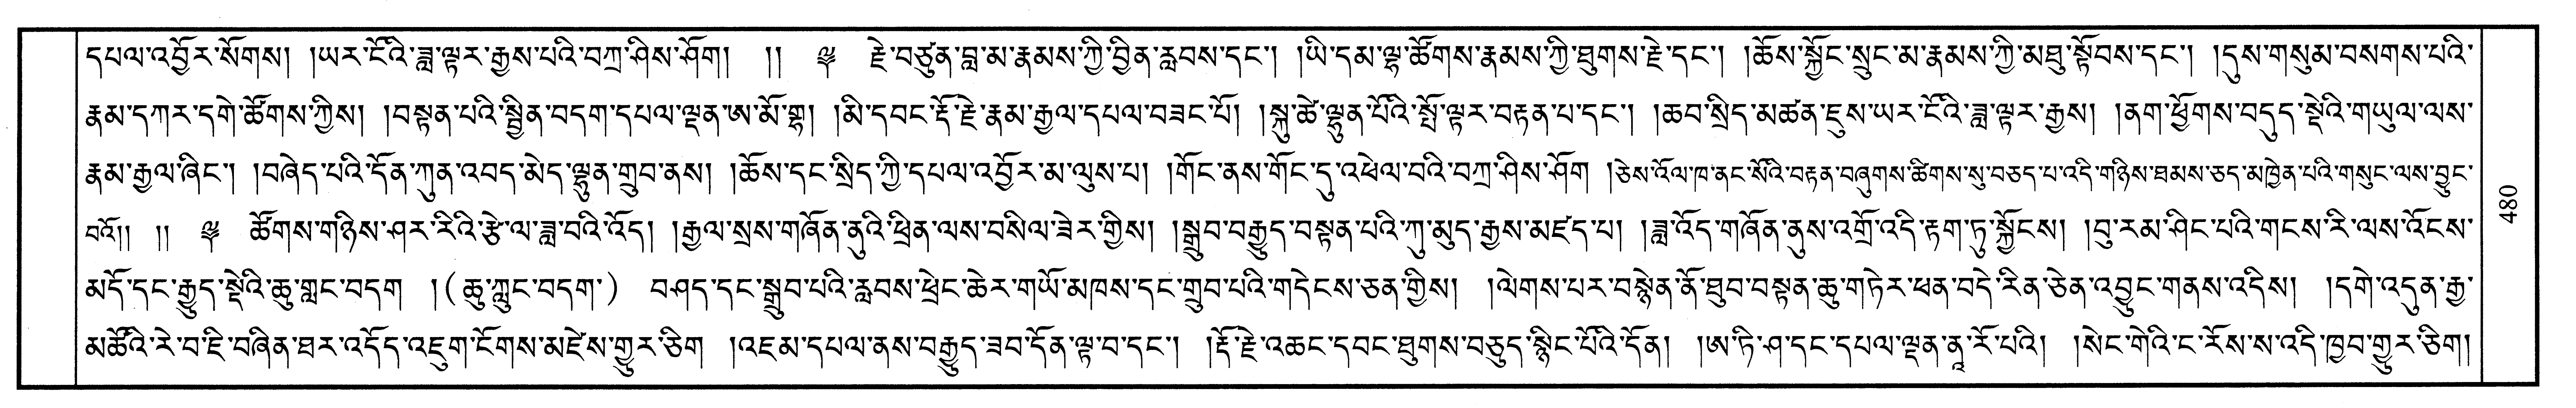དཔལ་འབྱོར་སོགས། །ཡར་ངོའི་ཟླ་ལྟར་རྒྱས་པའི་བཀྲ་ཤིས་ཤོག། །། ༈ རྗེ་བཙུན་བླ་མ་རྣམས་ཀྱི་བྱིན་རླབས་དང་། །ཡི་དམ་ལྷ་ཚོགས་རྣམས་ཀྱི་ཐུགས་རྗེ་དང་། །ཆོས་སྐྱོང་སྲུང་མ་རྣམས་ཀྱི་མཐུ་སྟོབས་དང་། །དུས་གསུམ་བསགས་པའི་
རྣམ་དཀར་དགེ་ཚོགས་ཀྱིས། །བསྟན་པའི་སྦྱིན་བདག་དཔལ་ལྡན་ཨ་མོ་གྷ། །མི་དབང་རྡོ་རྗེ་རྣམ་རྒྱལ་དཔལ་བཟང་པོ། །སྐུ་ཚེ་ལྷུན་པོའི་སྤོ་ལྟར་བརྟན་པ་དང་། །ཆབ་སྲིད་མཚན་ཇུས་ཡར་ངོའི་ཟླ་ལྟར་རྒྱས། །ནག་ཕྱོགས་བདུད་སྡེའི་གཡུལ་ལས་
རྣམ་རྒྱལ་ཞིང་། །བཞེད་པའི་དོན་ཀུན་འབད་མེད་ལྷུན་གྲུབ་ནས། །ཆོས་དང་སྲིད་ཀྱི་དཔལ་འབྱོར་མ་ལུས་པ། །གོང་ནས་གོང་དུ་འཕེལ་བའི་བཀྲ་ཤིས་ཤོག །ཅེས་འོལ་ཁ་ནང་སོའི་བརྟན་བཞུགས་ཚིགས་སུ་བཅད་པ་འདི་གཉིས་ཐམས་ཅད་མཁྱེན་པའི་གསུང་ལས་བྱུང་
བའོ།། །། ༈ ཚོགས་གཉིས་ཤར་རིའི་རྩེ་ལ་ཟླ་བའི་འོད། །རྒྱལ་སྲས་གཞོན་ནུའི་ཕྲིན་ལས་བསིལ་ཟེར་གྱིས། །སྒྲུབ་བརྒྱུད་བསྟན་པའི་ཀུ་མུད་རྒྱས་མཛད་པ། །ཟླ་འོད་གཞོན་ནུས་འགྲོ་འདི་རྟག་ཏུ་སྐྱོངས། །བུ་རམ་ཤིང་པའི་གངས་རི་ལས་འོངས་
མདོ་དང་རྒྱུད་སྡེའི་ཆུ་གླང་བདག ། ཆུ་ཀླུང་བདག་བཤད་དང་སྒྲུབ་པའི་རླབས་ཕྲེང་ཆེར་གཡོ་མཁས་དང་གྲུབ་པའི་གདེངས་ཅན་གྱིས། །ལེགས་པར་བསྙེན་ནོ་ཐུབ་བསྟན་ཆུ་གཏེར་ཕན་བདེ་རིན་ཅེན་འབྱུང་གནས་འདིས། །དགེ་འདུན་རྒྱ་
མཚོའི་རེ་བ་ཇི་བཞིན་ཐར་འདོད་འཇུག་ངོགས་མཛེས་གྱུར་ཅིག །འཇམ་དཔལ་ནས་བརྒྱུད་ཟབ་དོན་ལྟ་བ་དང་། །རྡོ་རྗེ་འཆང་དབང་ཐུགས་བཅུད་སྙིང་པོའི་དོན། །ཨ་ཏི་ཤ་དང་དཔལ་ལྡན་ནཱ་རོ་པའི། །སེང་གེའི་ང་རོས་ས་འདི་ཁྱབ་གྱུར་ཅིག།